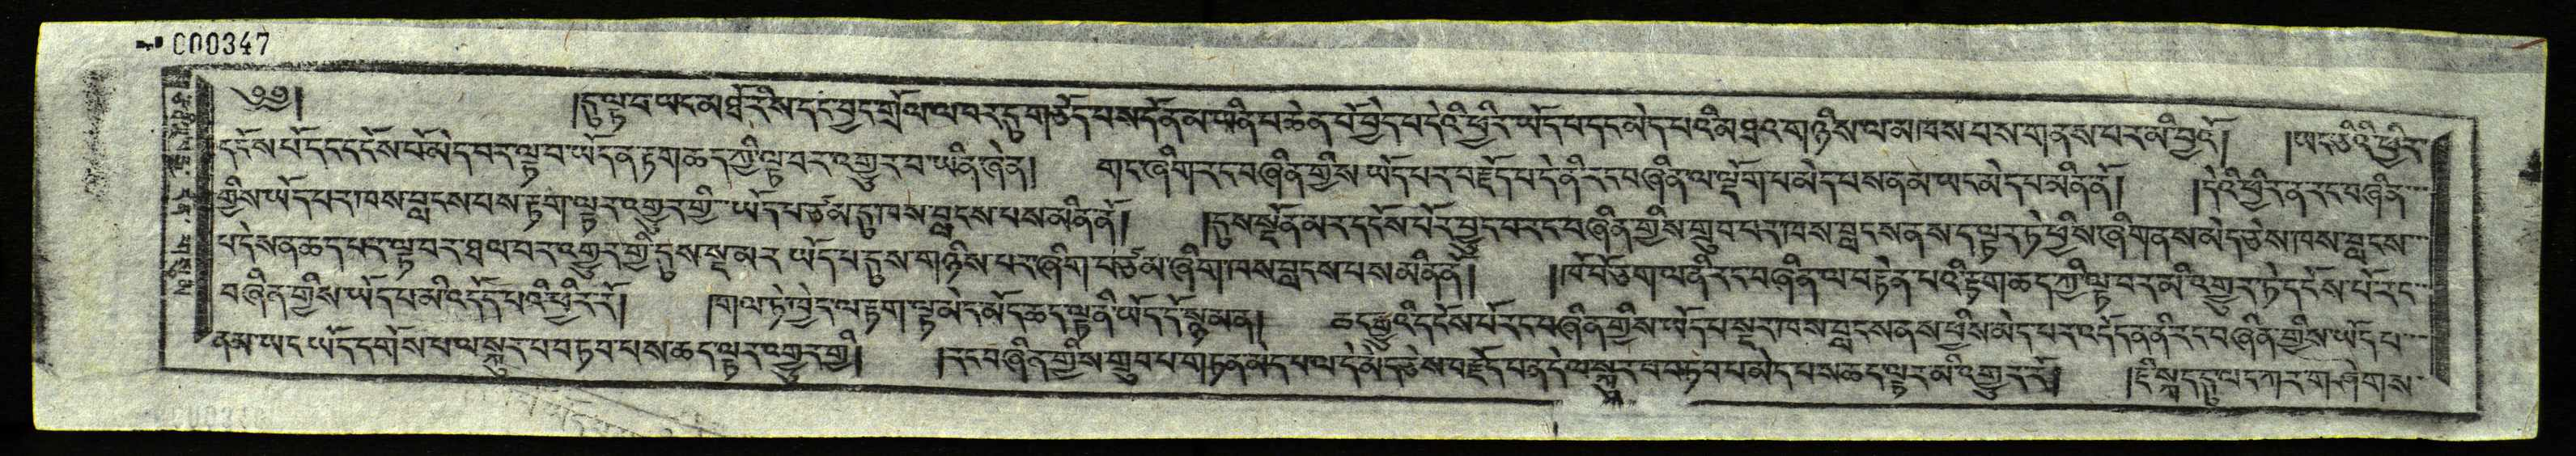༄༅། །དུ་ལྟ་བ་ཡང་མཐོ་རིས་དང་བྱང་གྲོལ་ལ་བར་དུ་གཅོད་པས་དོན་མ་ཡིན་པ་ཆེན་པོ་བྱེད་པ་དེའི་ཕྱིར་ཡོད་པ་དང་མེད་པའི་མཐའ་གཉིས་ལ་མཁས་པས་གནས་པར་མི་བྱའོ། །ཡང་ཅིའི་ཕྱིར་
དངོས་པོ་དང་དངོས་པོ་མེད་པར་ལྟ་བ་ཡོད་ན་རྟག་ཆད་ཀྱི་ལྟ་བར་འགྱུར་བ་ཡིན་ཞེ་ན། གང་ཞིག་རང་བཞིན་གྱིས་ཡོད་པར་བརྗོད་པ་དེ་ནི་རང་བཞིན་ལ་ལྡོག་པ་མེད་པས་ནམ་ཡང་མེད་པ་མིན་ནོ། །དེའི་ཕྱིར་ན་རང་བཞིན་
གྱིས་ཡོད་པར་ཁས་བླངས་པས་རྟག་ལྟར་འགྱུར་གྱི་ཡོད་པ་ཙམ་དུ་ཁས་བླངས་པས་མིན་ནོ། །དུས་སྔོན་མར་དངོས་པོར་བྱུང་བ་རང་བཞིན་གྱིས་གྲུབ་པར་ཁས་བླངས་ནས་ད་ལྟར་ཏེ་ཕྱིས་ཞིག་ནས་མེད་ཅེས་ཁས་བླངས་
པ་དེས་ན་ཆད་པར་ལྟ་བར་ཐལ་བར་འགྱུར་གྱི་དུས་སྔ་མར་ཡོད་པ་དུས་གཉིས་པར་ཞིག་པ་ཙམ་ཞིག་ཁས་བླངས་པས་མིན་ནོ། །ཁོ་བོ་ཅག་ལ་ནི་རང་བཞིན་ལ་བརྟེན་པའི་རྟག་ཆད་ཀྱི་ལྟ་བར་མི་འགྱུར་ཏེ་དངོས་པོ་རང་
བཞིན་གྱིས་ཡོད་པ་མི་འདོད་པའི་ཕྱིར་རོ། །གལ་ཏེ་ཁྱེད་ལ་རྟག་ལྟ་མེད་མོད་ཆད་ལྟ་ནི་ཡོད་དོ་སྙམ་ན། ཆད་རྒྱུའི་དངོས་པོ་རང་བཞིན་གྱིས་ཡོད་པ་སྔར་ཁས་བླངས་ནས་ཕྱིས་མེད་པར་འདོད་ན་ནི་རང་བཞིན་གྱིས་ཡོད་པ་
ནམ་ཡང་ཡོད་དགོས་པ་ལ་སྐུར་པ་བཏབ་པས་ཆད་ལྟར་འགྱུར་གྱི། །རང་བཞིན་གྱིས་གྲུབ་པ་གཏན་མེད་པ་ལ་དེ་མེད་ཅེས་བརྗོད་པ་ན་དེ་ལ་སྐུར་བ་བཏབ་པ་མེད་པས་ཆད་ལྟར་མི་འགྱུར་རོ། །ཇི་སྐད་དུ་ལང་ཀར་གཤེགས་